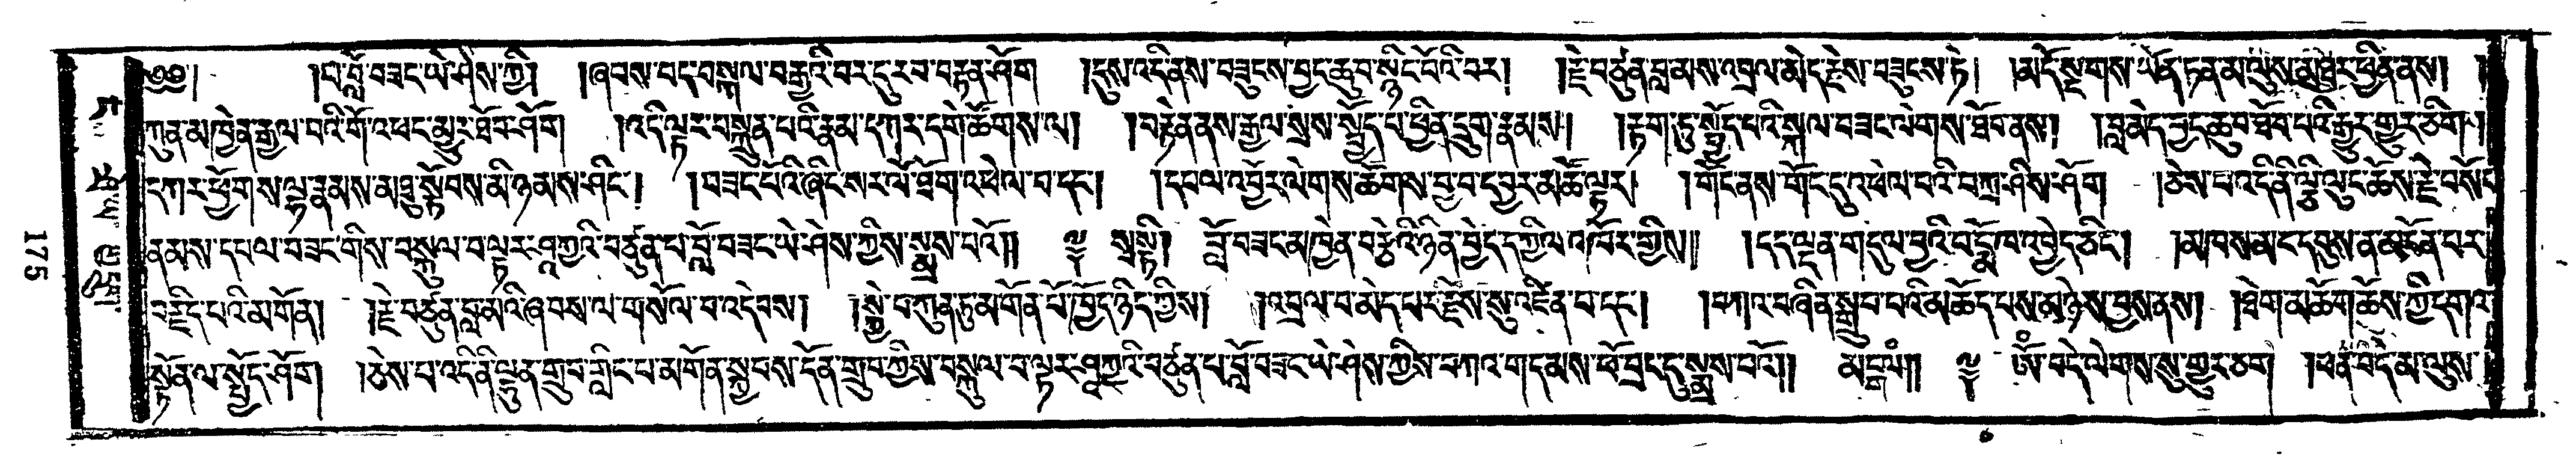༄༅། །བ་བློ་བཟང་ཡེ་ཤེས་ཀྱི། །ཞབས་པད་བསྐལ་བརྒྱའི་བར་དུ་རབ་བརྟན་ཤོག །དུས་འདི་ནས་བཟུངས་བྱང་ཆུབ་སྙིང་བོའི་བར། །རྗེ་བཙུན་བླ་མས་འབྲལ་མེད་རྗེས་བཟུངས་ཏེ། །མདོ་སྔགས་ཡོན་ཏན་མ་ལུས་མཐར་ཕྱིན་ནས། །
ཀུན་མཁྱེན་རྒྱལ་བའི་གོ་འཕང་མྱུར་ཐོབ་ཤོག །འདི་ལྟར་བསྐྲུན་པའི་རྣམ་དཀར་དགེ་ཚོགས་ལ། །བརྟེན་ནས་རྒྱལ་སྲས་སྤྱོད་པ་ཕྱིན་དྲུག་རྣམས། །རྟག་ཏུ་སྤྱོད་པའི་སྐལ་བཟང་ལེགས་ཐོབ་ནས། །བླ་མེད་བྱང་ཆུབ་ཐོབ་པའི་རྒྱུར་གྱུར་ཅིག །
དཀར་ཕྱོགས་ལྷ་རྣམས་མཐུ་སྟོབས་མི་ཉམས་ཤིང་། །བཟང་པོའི་ཞིང་སར་ལོ་ཐོག་འཕེལ་པ་དང་། །དཔལ་འབྱོར་ལེགས་ཚོགས་བྱ་བ་དབྱར་མཚོ་ལྟར། །གོང་ནས་གོང་དུ་འཕེལ་བའི་བཀྲ་ཤིས་ཤོག །ཅེས་པ་འདི་ནི་ལྕི་ལུང་ཆོས་རྗེ་བསོང་
ནམས་དཔལ་བཟང་གིས་བསྐུལ་བ་ལྟར་ཤཱཀྱའི་བཙུན་པ་བློ་བཟང་ཡེ་ཤེས་ཀྱིས་སྨྲས་པའོ།། ༈ སྭསྟི། བློ་བཟང་མཁྱེན་བརྩེའི་ཉིན་བྱེད་དཀྱིལ་འཁོར་གྱིས། །དད་ལྡན་གདུལ་བྱའི་བད་མོ་ཁ་འབྱེད་ཅིང་། །མཁས་མང་དབུས་ན་མངོན་པར་
བརྗིད་པའི་མགོན། །རྗེ་བཙུན་བླ་མའི་ཞབས་ལ་གསོལ་བ་འདེབས། །སྐྱེ་བ་ཀུན་ཏུ་མ་གོན་པོ་ཁྱོད་ཉིད་ཀྱིས། །འབྲལ་བ་མེད་པར་རྗེས་སུ་འཛིན་པ་དང་། །བཀའ་བཞིན་སྒྲུབ་བའི་མཆོད་པས་མཉེས་བྱས་ནས། །ཐེག་མཆོག་ཆོས་ཀྱི་དགའ་
སྟོན་ལ་སྤྱོད་ཤོག །ཅེས་པ་འདི་ནི་ལྷུན་གྲུབ་གླིང་པ་མགོན་སྐྱབས་དོན་གྲུབ་ཀྱིས་བསྐུལ་བ་ལྟར་ཤཱཀྱའི་བཙུན་པ་བློ་བཟང་ཡེ་ཤེས་ཀྱིས་བཀའ་གདམས་ཕོ་བྲང་དུ་སྨྲས་བའོ།། མངྒལཾ།།༈ ཨོཾ་བདེ་ལེགས་སུ་གྱུར་ཅག །ཕན་བདེ་མ་ལུས་